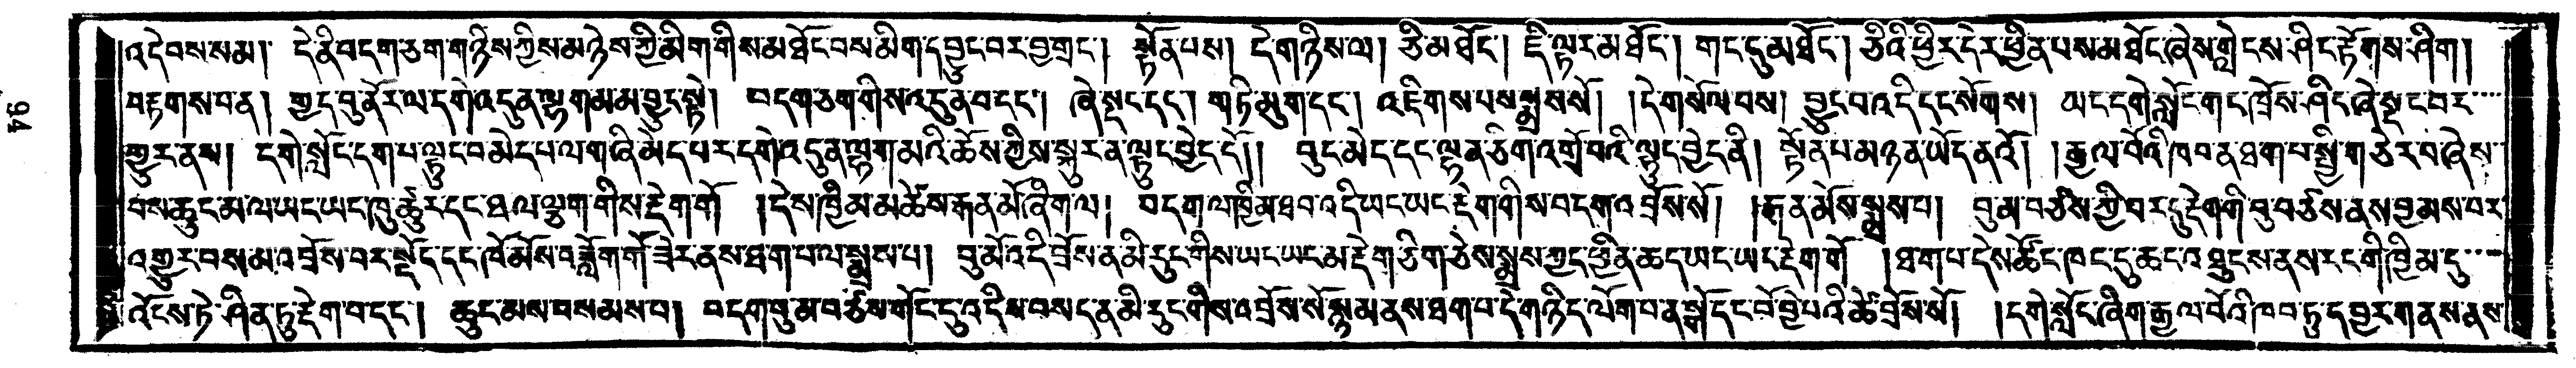འདེབས་སམ། དེ་ནི་བདག་ཅག་གཉིས་ཀྱིས་མཉེས་ཀྱི་མིག་གིས་མཐོང་བས་མིག་དབྱུང་བར་བྱ་གྲང་། སྟོན་པས། དེ་གཉིས་ལ། ཅི་མཐོང་། ཇི་ལྟར་མཐོང་། གང་དུ་མཐོང་། ཅིའི་ཕྱིར་དེར་ཕྱིན་པས་མཐོང་ཞེས་གླེངས་ཤིང་རྟོགས་ཤིག།
བརྟགས་བ་ན། གྱད་བུ་ནོར་ལ་དགེ་འདུན་ལྷག་མ་མ་བྱུང་སྟེ། བདག་ཅག་གིས་འདུན་བ་དང་། ཞེ་སྡང་དང་། གཏི་མུག་དང་། འཇིགས་པས་སྨྲས་སོ། །དེ་གསོལ་བས། བྱུང་བ་འདི་དང་སོགས། ཡང་དགེ་སློང་གང་ཁྲོས་ཤིང་ཞེ་སྡང་བར་
གྱུར་ནས། དགེ་སློང་དག་པ་ལྟུང་བ་མེད་པ་ལ་གཞི་མེད་པར་དགེ་འདུན་ལྷག་མའི་ཆོས་ཀྱིས་སྐུར་ན་ལྟུང་བྱེད་དོ།། བུད་མེད་དང་ལྷན་ཅིག་འགྲོ་བའི་ལྟུང་བྱེད་ནི། སྟོན་པ་མཉན་ཡོད་ནའོ། །རྒྱལ་བོའི་ཁབ་ན་ཐག་པ་སྤྱི་གཅེར་བ་ཞེས་
བས་ཆུང་མ་ལ་ཡང་ཡང་ཁུ་ཚུར་དང་ཐལ་ལྕག་གིས་རྡེག་གོ །དེས་ཁྱིམ་མཚེས་རྒན་མོ་ཞིག་ལ། བདག་ལ་ཁྱིམ་ཐབ་འདི་ཡང་ཡང་རྡེག་གིས་བདག་འབྲོས་སོ། །རྒན་མོས་སྨྲས་པ། བུ་མ་བཙས་ཀྱི་བར་དུ་རྡེག་གི་བུ་བཙས་ནས་བྱམས་བར་
འགྱུར་བས་མ་འབྲོས་བར་སྡོད་དང་ཁོ་མོས་བཟློག་གོ་ཟེར་ནས་ཐ་ག་པ་ལ་སྨྲས་པ། བུ་མོ་འདི་བྲོས་ན་མི་རུང་གིས་ཡང་ཡང་མ་རྡེག་ཅིག་ཅེས་སྨྲས་ཀྱང་ཕྱིན་ཆད་ཡང་ཡང་རྡེག་གོ །ཐ་ག་པ་དེས་ཚོང་ཁང་དུ་ཆང་འཐུངས་ནས་རང་གི་ཁྱིམ་དུ་
འོངས་ཏེ་ཤིན་ཏུ་རྡེག་བ་དང་། ཆུང་མས་བསམས་པ། བདག་བུ་མ་བཙས་གོང་དུ་འདིས་བསད་ན་མི་རུང་གིས་འབྲོས་སོ་སྙམ་ནས་ཐག་པ་དེ་གཉིད་ལོག་པ་ན་སྒོ་དང་བོ་བྱེ་བའི་ཚེ་བྲོས་སོ། །དགེ་སློང་ཞིག་རྒྱལ་བོའི་ཁབ་ཏུ་དབྱར་གནས་ནས་